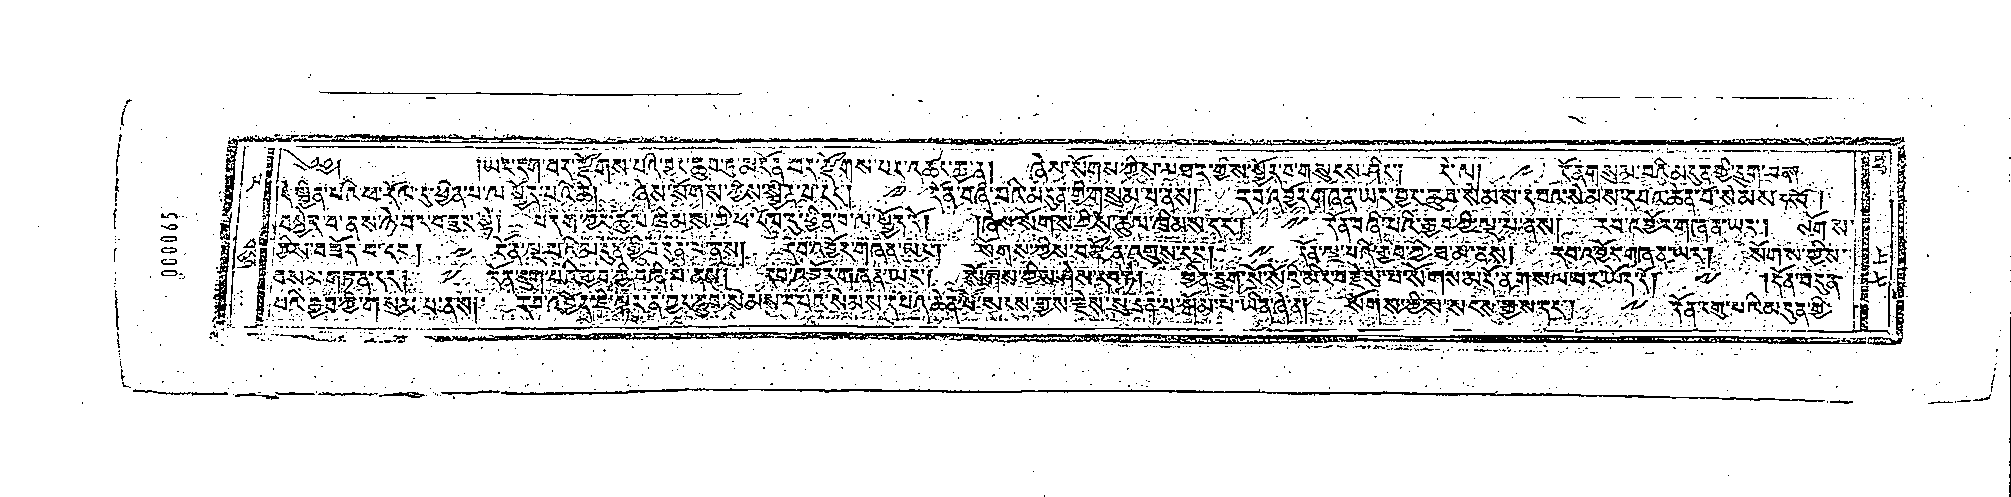༄༅། །ཡང་དག་བར་རྫོགས་པའི་བྱང་ཆུབ་ཏུ་མངོན་བར་རྫོགས་པར་འཚང་རྒྱ་ན། ཞེས་སོགས་ཀྱིས་མཐར་གྱིས་སྦྱོར་བ་གསུངས་ཤིང་། དེ་ལ། ༧་དོན་གསུམ་བའི་མདུན་གྱི་དྲུག་པ་ནས་
དེ་སྦྱིན་པའི་ཕ་རོལ་དུ་ཕྱིན་པ་ལ་སྤྱོད་པའི་ཆེ། ཞེས་སོགས་ཀྱིས་སྦྱིན་པ་དང་། ༧་དོན་བཞི་པའི་མདུན་གྱི་གསུམ་པ་ནས། རབ་འབྱོར་གཞན་ཡང་བྱང་ཆུབ་སེམས་དཔའ་སེམས་དཔའ་ཆེན་པོ་སེམས་དང་པོ།
བསྐྱེད་པ་ནས་ཉེ་བར་བཟུང་སྟེ། བདག་ཀྱང་ཚུལ་ཁྲིམས་ཀྱི་ཕ་རོལ་དུ་ཕྱིན་པ་ལ་སྤྱོད་དོ། །ཞེས་སོགས་ཀྱིས་ཚུལ་ཁྲིམས་དང་། ༧་དོན་བཞི་པའི་རྒྱབ་ཀྱི་ལྔ་པ་ནས། རབ་འབྱོར་གཞན་ཡང་། སོགས་
ཀྱིས་བཟོད་པ་དང་། ༧་དོན་ལྔ་བའི་མདུན་གྱི་མདུན་པ་ནས། རབ་འབྱོར་གཞན་ཡང་། སོགས་ཀྱིས་བརྩོན་འགྲུས་དང་། ༧་དོན་ལྔ་པའི་རྒྱབ་ཀྱི་ཐ་མ་ནས། རབ་འབྱོར་གཞན་ཡང་། སོགས་ཀྱིས་
བསམ་གཏན་དང་། ༧་དོན་དྲུག་པའི་རྒྱབ་ཀྱི་བཞི་པ་ནས། རབ་འབྱོར་གཞན་ཡང་། སོགས་ཀྱིས་ཤེས་རབ་ཏེ། ཕྱིན་དྲུག་སོ་སོའི་མིང་བརྗེས་པ་སོགས་མདོ་ན་གསལ་བར་ཡོད་དོ། ༧་།དོན་བདུན་
པའི་རྒྱབ་ཀྱི་གསུམ་པ་ནས། རབ་འབྱོར་ཇི་ལྟར་ན་བྱང་ཆུབ་སེམས་དཔའ་སེམས་དཔའ་ཆེན་པོ་སངས་རྒྱས་རྗེས་སུ་དྲན་པ་སྒོམ་པ་ཡིན་ཞེ་ན། སོགས་ཀྱིས་སངས་རྒྱས་དང་། ༧་དོན་དགུ་པའི་ལ་དུན་གྱི་